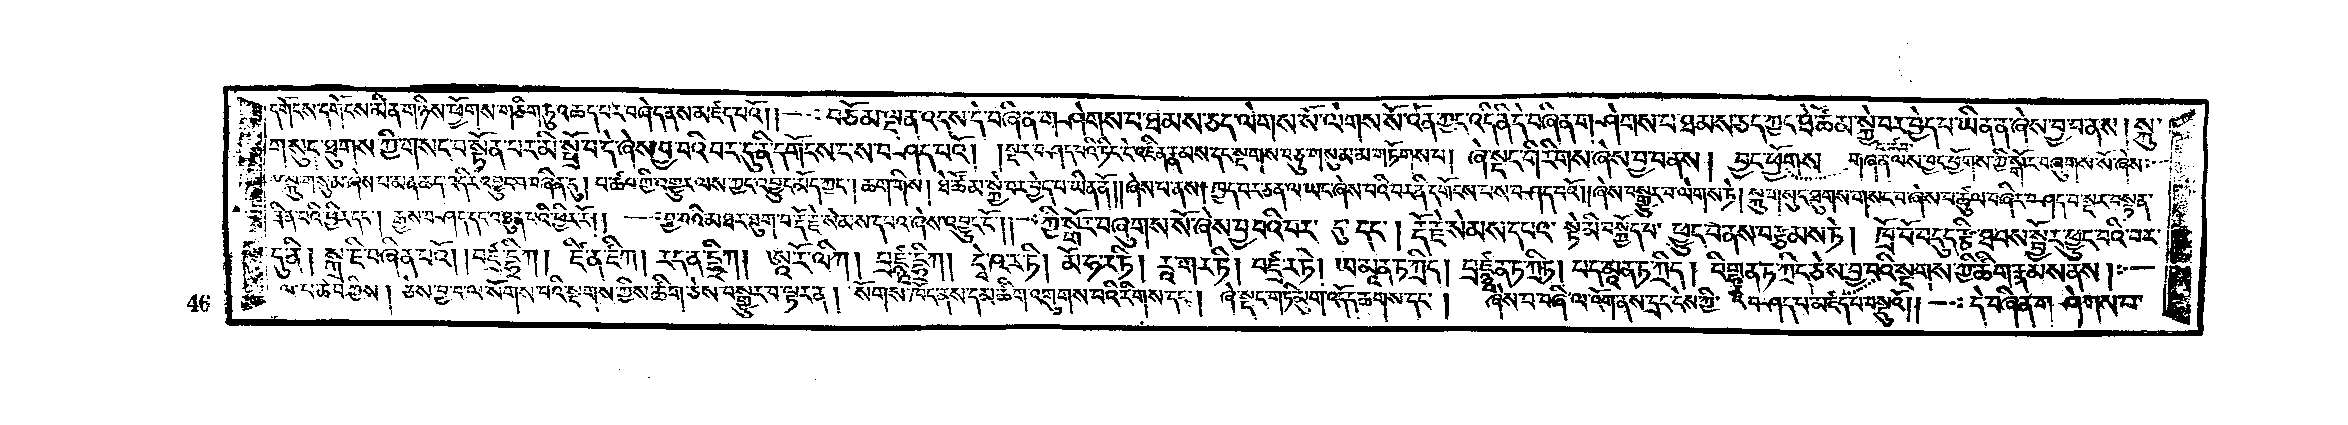དགོངས་དགོངས་མིན་གཉིས་ཕྱོགས་གཅིག་ཏུ་འཆད་པར་བཞེད་ནས་མཛད་པའོ།། .Hབཅོམ་ལྡན་འདས་དེ་བཞིན་གཤེགས་པ་ཐམས་ཅད་ལེགས་སོ་ལེགས་སོ་འོན་ཀྱང་འདི་ནི་དེ་བཞིན་གཤེགས་པ་ཐམས་ཅད་ཀྱང་ཐེ་ཚོམ་སྐྱེ་བར་བྱེད་པ་ཡིན་ན་ཞེས་བྱ་བ་ནས། སྐུ་
གསུང་ཐུགས་ཀྱི་གསང་བ་སྟོན་པར་མི་སྤྲོ་བ་དེ་ཞེས་བྱ་བའི་བར་དུ་ནི་དགོངས་པས་བཤད་པའོ། ། སྔར་བཤད་པའི་ཏིང་ངེ་འཛིན་རྣམས་དང་སྔགས་བཅུ་གསུམ་མ་གཏོགས་པ།  ཞེ་སྡང་གི་རིགས་ཞེས་བྱ་བ་ནས། བྱང་ཕྱོགས་པ་ཚབ་གཞན་ལས་བྱང་ཕྱོགས་ཀྱི་སྒོར་བཞུགས་སོ་ཞེསཿ
༧སྐུ་གསུམ་ཞེས་པ་མན་ཆད་འདིར་འབྱུང་བ་བཞིན་དུ། པ་ཚབ་ཀྱི་འགྱུར་ལས་ཀྱང་འབྱུང་མོད་ཀྱང་། ཆག་གིས། ཐེ་ཚོམ་སྐྱེ་བར་བྱེད་པ་ཡིན་ནོ། །ཞེས་པ་ནས། ཁྱད་པར་ཅན་ལ་ཡང་ཞེས་པའི་བར་ནི་དགོངས་པས་བཤད་པའོ། །ཞེས་བསྒྱུར་བ་ལེགས་ཏེ། སྐུ་གསུང་ཐུགས་གསང་བ་ཞེས་པ་ཚུལ་བཞིར་བཤད་པ་སྔར་བསྟན་
ཟིན་པའི་ཕྱིར་དང་། རྒྱས་བཤད་དང་འཐུན་པའི་ཕྱིར་རོ།། .Hབྱ་བའི་མཐར་ཐུག་པ་རྡོ་རྗེ་སེམས་དཔའ་ཞེས་འབྱུང་ངོ།། .Hཀྱི་སྒོར་བཞུགས་སོ་ཞེས་བྱ་བའི་བར་དུ་དང་། རྡོ་རྗེ་སེམས་དཔའ་སྟེ་མི་བསྐྱོད་པ་ཕྱུང་བ་ནས་བརྩམས་ཏེ། ཁྲོ་བོ་བདུད་རྩི་ཐབས་སྦྱོར་ཕྱུང་བའི་བར་
དུ་ནི། སྒྲ་ཇི་བཞིན་པའོ། །བཛྲ་དྷྲི་ཀ། ཛི་ན་ཛི་ཀ། རད་ན་དྷྲི་ཀ། ཨཱ་རོ་ལི་ཀ། པྲཛྙཱ་དྷྲི་ཀ། དྭེ་ཥ་ར་ཏི། མོ་ཧ་ར་ཏི། རཱ་ག་ར་ཏི། བཛྲ་ར་ཏི། ཡ་མཱན་ཏ་ཀྲིད། པྲཛྱའ་ན་ཏ་ཀྲིཏ། པད་མཱན་ཏ་ཀྲིད། བིགྷྣཱན་ཏ་ཀྲིད་ཅེས་བྱ་བའི་སྔགས་ཀྱི་ཚིག་རྣམས་ནས།H.
༧པ་ཚབ་ཀྱིས། ཅེས་བྱ་བ་ལ་སོགས་པའི་སྔགས་ཀྱིས་ཚིག་ཅེས་བསྒྱུར་བ་ལྟར་ན། སོགས་ཁོང་ནས་དམ་ཚིག་འགུགས་པའི་རིགས་དང་། ཞེ་སྡང་གཏི་མུག་འདོད་ཆགས་དང་། ཞེས་པ་བཞི་ལ་འོག་ནས་དྲང་ངེས་ཀྱི་འི་བཤད་པ་མཛད་པ་བསྡུའོ།།  .Hདེ་བཞིན་གཤེགས་པ་